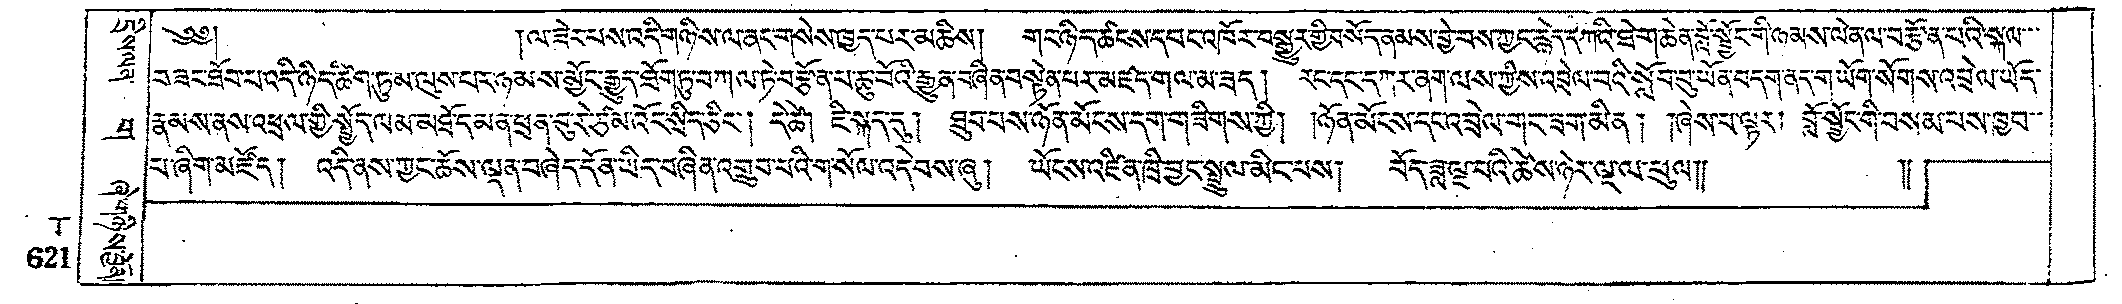༄༅། །ལ་ཟེར་པས་འདི་གཉིས་ལ་ནང་གསེས་ཁྱད་པར་མཆིས། གང་ཉིད་ཚངས་དབང་འཁོར་བསྒྱུར་གྱི་བསོད་ནམས་བྱེ་བས་ཀྱང་རྙེད་དཀའི་ཐེག་ཆེན་བློ་སྦྱོང་གི་ཉམས་ལེན་ལ་བརྩོན་པའི་སྐལ་་་
བཟང་ཐོབ་པ་འདི་ཉིད་ཚིག་ཏུ་མ་ལུས་པར་ཉམས་མྱོང་རྒྱུད་ཐོག་ཏུ་བཀལ་ཏེ་བརྩོན་པ་ཆུ་བོའི་རྒྱུན་བཞིན་བསྟེན་པར་མཛད་གལ་མ་ཟད། རང་དང་དཀར་ནག་ལས་ཀྱིས་འབྲེལ་བའི་སློབ་བུ་ཡོན་བདག་ནད་གཡོག་སོགས་འབྲེལ་ཡོད་
རྣམས་ནས་འཕྲལ་གྱི་སྤྱོད་ལམ་མཐོ་དམན་ཕྲན་བུ་རེ་ཙམ་འོང་སྲིད་ཅིང་། དེ་ཚེ། ཇི་སྐད་དུ། ཐུབ་པས་ཉོན་མོངས་དག་གཟིགས་ཀྱི། །ཉོན་མོངས་དང་འབྲེལ་གང་ཟག་མིན། །ཞེས་པ་ལྟར། བློ་སྦྱོང་གི་བསམ་པས་ཁྱབ་་་
པ་ཞིག་མཛོད། འདི་ནས་ཀྱང་ཆོས་ལྡན་བཞེད་དོན་ཡིད་བཞིན་འགྲུབ་པའི་གསོལ་འདེབས་ཞུ། ཡོངས་འཛིན་ཁྲི་བྱང་སྤྲུལ་མིང་པས། བོད་ཟླ་ལྔ་པའི་ཚེ་ཉེར་ལྔ་ལ་ཕུལ།། །།